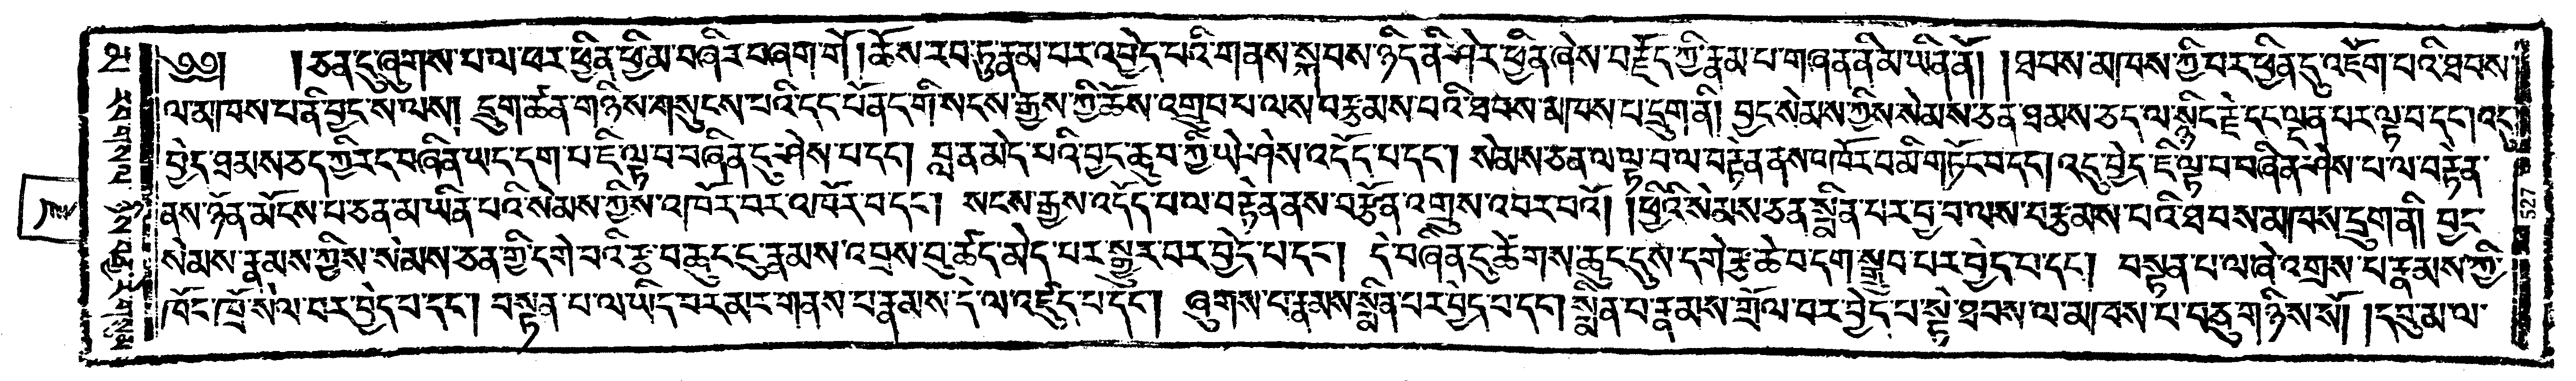༄༅། །ཅན་དུ་ཞུགས་པ་ལ་ཕར་ཕྱིན་ཕྱི་མ་བཞིར་བཞག་གོ །ཆོས་རབ་ཏུ་རྣམ་པར་འབྱེད་པའི་གནས་སྐབས་ཉིད་ནི་ཤེར་ཕྱིན་ཞེས་བརྗོད་ཀྱི་རྣམ་པ་གཞན་ནི་མ་ཡིན་ནོ། །ཐབས་མཁས་ཀྱི་ཕར་ཕྱིན་དུ་འཇོག་པའི་ཐབས་
ལ་མཁས་པ་ནི་བྱང་ས་ལས། དྲུག་ཚན་གཉིས་གསུངས་པའི་དང་པོ་ནང་གི་སངས་རྒྱས་ཀྱི་ཆོས་འགྲུབ་པ་ལས་བརྩམས་པའི་ཐབས་མཁས་པ་དྲུག་ནི། བྱང་སེམས་ཀྱིས་སེམས་ཅན་ཐམས་ཅད་ལ་སྙིང་རྗེ་དང་ལྡན་པར་ལྟ་བ་དང་། འདུ་
བྱེད་ཐམས་ཅད་ཀྱི་རང་བཞིན་ཡང་དག་པ་ཇི་ལྟ་བ་བཞིན་དུ་ཤེས་པ་དང་། བླ་ན་མེད་པའི་བྱང་ཆུབ་ཀྱི་ཡེ་ཤེས་འདོད་པ་དང་། སེམས་ཅན་ལ་ལྟ་བ་ལ་བརྟེན་ནས་འཁོར་བ་མི་གཏོང་བ་དང་། འདུ་བྱེད་ཇི་ལྟ་བ་བཞིན་ཤེས་པ་ལ་བརྟེན་
ནས་ཉོན་མོངས་པ་ཅན་མ་ཡིན་པའི་སེམས་ཀྱིས་འཁོར་བར་འཁོར་བ་དང་། སངས་རྒྱས་འདོད་པ་ལ་བརྟེན་ནས་བརྩོན་འགྲུས་འབར་བའོ། །ཕྱིའི་སེམས་ཅན་སྨིན་པར་བྱ་བ་ལས་བརྩམས་པའི་ཐབས་མཁས་དྲུག་ནི། བྱང་
སེམས་རྣམས་ཀྱིས་སེམས་ཅན་གྱི་དགེ་བའི་རྩ་བ་ཆུང་ངུ་རྣམས་འབྲས་བུ་ཚད་མེད་པར་སྒྱུར་བར་བྱེད་པ་དང་། དེ་བཞིན་དུ་ཚོགས་ཆུང་ངུས་དགེ་རྩ་ཆེ་བ་དག་སྒྲུབ་པར་བྱེད་པ་དང་། བསྟན་པ་ལ་ཞེ་འགྲས་པ་རྣམས་ཀྱི་
ཁོང་ཁྲོ་སེལ་བར་བྱེད་པ་དང་། བསྟན་པ་ལ་ཡིད་བར་མར་གནས་པ་རྣམས་དེ་ལ་འཛུད་པ་དང་། ཞུགས་པ་རྣམས་སྨིན་པར་བྱེད་པ་དང་། སྨིན་པ་རྣམས་གྲོལ་བར་བྱེད་པ་སྟེ་ཐབས་ལ་མཁས་པ་བཅུ་གཉིས་སོ། །དབུ་མ་ལ་